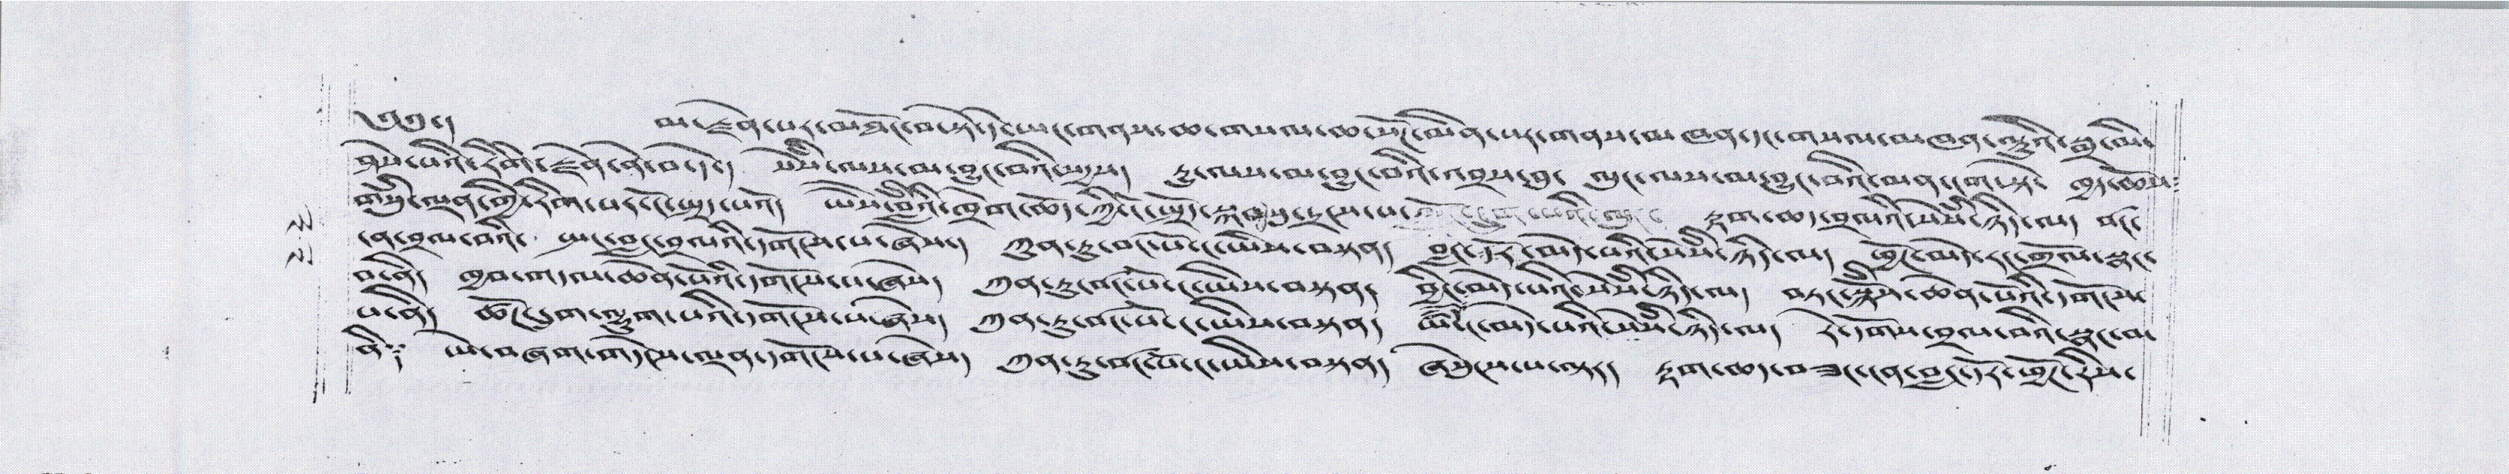མ་རྗེན་པར་མཐོང་བ་སྟེ་དེ་ཡང་གནས་ཆ་གསལ་ཆ་སོགས་མིན་པར་གནས་མཁན་དང་གསལ་མཁན་ལྟ་བུའི་སྨྲ་མི་
ཤེས་པའི་རིག་གེ་རྗེན་ནེ་བ་དེ། སེམས་ལས་མ་བྱུང་བའི་སངས་རྒྱས། རྒྱུ་ལས་མ་བྱུང་བའི་འབྲས་བུ། ལུང་ལས་མ་བྱུང་བའི་མན་ངག་སྟེ། ཁྱད་ཆོས་
གསུམ་ལྡན་གྱི་རིག་པར་ངོ་སྤྲོད་པའོ། ཡེ་ཤེས་བླ་མའི་ཁྲེག་ཆོད་ཀྱི་ངོ་སྤྲོད་སྐབས་སུ་དྲངས་པ། རྟག་ཆད་བྲལ་བའི་སེམས་ཉིད་ལ། བཟང་
ངན་བྲལ་བའི། སྤང་བླང་བྲལ་བའི་དགོངས་པ་ཞེས། ཀུན་ཏུ་བཟང་པོ་ང་ཡིས་བསྟན། བླང་དོར་མེད་པའི་སེམས་ཉིད་ལ། ཕྱོགས་མེད་རང་གྲོལ་སྣང་
བ་ནི། ཁྱབ་བདལ་ཆེན་པོའི་དགོངས་པ་ཞེས། ཀུན་ཏུ་བཟང་པོ་ང་ཡིས་བསྟན། བྱིང་རྒོད་མེད་པའི་སེམས་ཉིད་ལ། བཏང་སྙོམས་ཆེན་པོའི་དགོངས་
པ་ནི། ཚོགས་དྲུག་ལྷུག་པའི་དགོངས་པ་ཞེས། ཀུན་ཏུ་བཟང་པོ་ང་ཡིས་བསྟན། ཡ་ང་མེད་པའི་སེམས་ཉིད་ལ། རེ་དྭོགས་བྲལ་བའི་སྣང་བ་
ནི། ཡེ་བཞག་གདེངས་ལྡན་དགོངས་པ་ཞེས། ཀུན་ཏུ་བཟང་པོ་ང་ཡིས་བསྟན། ཞེས་གསུངས་པ་ལྟར། རྟག་ཆད་བཟང་ངན་བླང་དོར་ཕྱོགས་རིས་